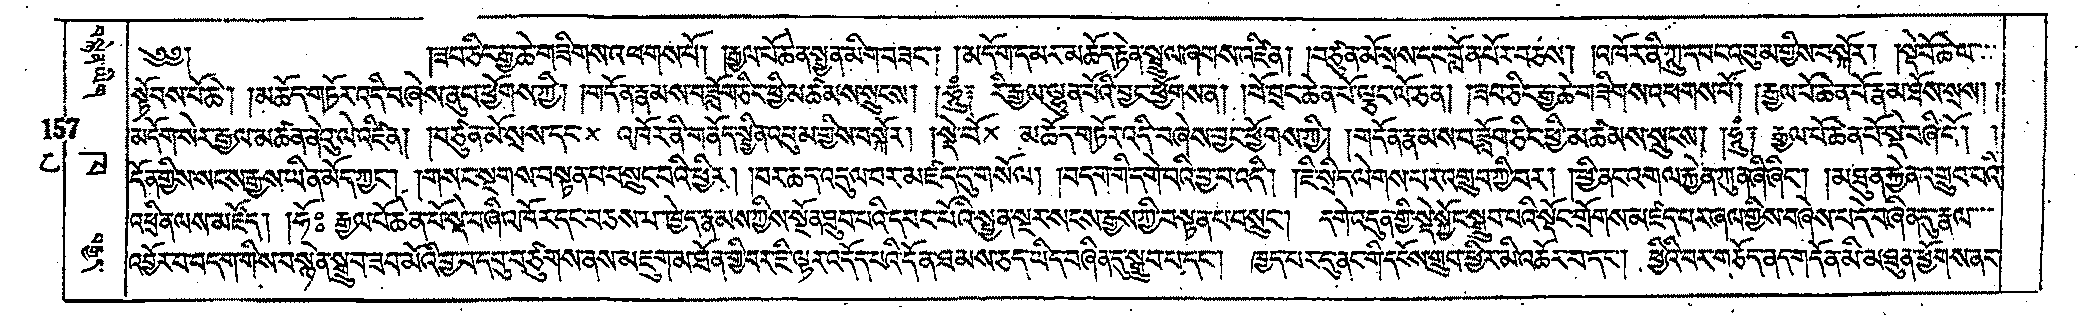༄༅། །ཟབ་ཅིང་རྒྱ་ཆེ་གཟིགས་འཕགས་པོ། །རྒྱལ་པོ་ཆེན་སྤྱན་མིག་བཟང་། །མདོག་དམར་མཆོད་རྟེན་སྦྲུལ་ཞགས་འཛིན། །བཙུན་མོ་སྲས་དང་བློན་པོར་བཅས། །འཁོར་ནི་ཀླུ་དབང་འབུམ་གྱིས་བསྐོར། །སྡེ་བོ་ཆེ་ལ་་་
སྟོབས་པོ་ཆེ། །མཆོད་གཏོར་འདི་བཞེས་ནུབ་ཕྱོགས་ཀྱི། །གདོན་རྣམས་བཟློག་ཅིང་ཕྱི་མཚམས་སྲུངས། །ཧཱུཾ༑ རི་རྒྱལ་ལྷུན་པོའི་བྱང་ཕྱོགས་ན། །ཕོ་བྲང་ཆེན་པོ་ལྕང་ལོ་ཅན། །ཟབ་ཅིང་རྒྱ་ཆེ་གཟིགས་འཕགས་པོ། །རྒྱལ་པོ་ཆེན་པོ་རྣམ་ཐོས་སྲས། །
མདོག་སེར་རྒྱལ་མཚན་ནེའུ་ལེ་འཛིན། །བཙུན་མོ་སྲས་དང་྾་འཁོར་ནི་གནོད་སྦྱིན་འབུམ་གྱིས་བསྐོར། །སྡེ་བོ་྾་མཆོད་གཏོར་འདི་བཞེས་བྱང་ཕྱོགས་ཀྱི། །གདོན་རྣམས་བཟློག་ཅིང་ཕྱི་མཚམས་སྲུངས། །ཧཱུཾ༑ རྒྱལ་པོ་ཆེན་པོ་སྡེ་བཞི་པོ། །
དོན་གྱིས་སངས་རྒྱས་ཡིན་མོད་ཀྱང་། །གསང་སྔགས་བསྟན་པ་བསྲུང་བའི་ཕྱིར། །བར་ཆད་འདུལ་བར་མཛད་དུ་གསོལ། །བདག་གི་དགེ་བའི་བྱ་བ་འདི། །ཇི་སྲིད་ལེགས་པར་འགྲུབ་ཀྱི་བར། །ཕྱི་ནང་འགལ་རྐྱེན་ཀུན་ཞི་ཞིང་། །མཐུན་རྐྱེན་འགྲུབ་པའི་
འཕྲིན་ལས་མཛོད། །ཧོཿ རྒྱལ་པོ་ཆེན་པོ་སྡེ་བཞི་འཁོར་དང་བཅས་པ་ཁྱེད་རྣམས་ཀྱིས་སྔོན་ཐུབ་པའི་དབང་པོའི་སྤྱན་སྔར་སངས་རྒྱས་ཀྱི་བསྟན་པ་བསྲུང་། དགེ་འདུན་གྱི་སྡེ་སྐྱོང་སྒྲུབ་པའི་སྡོང་གྲོགས་མཛད་པར་ཞལ་གྱིས་བཞེས་པ་དེ་བཞིན་དུ་རྣལ་་་
འབྱོར་པ་བདག་གིས་བསྙེན་སྒྲུབ་ཟབ་མོའི་བྱ་བ་དབུ་བཙུགས་ནས་མཇུག་མ་ཐོན་གྱི་བར་ཇི་ལྟར་འདོད་པའི་དོན་ཐམས་ཅད་ཡིད་བཞིན་དུ་སྒྲུབ་པ་དང་། ཁྱད་པར་དུ་ནང་གི་དངོས་གྲུབ་ཕྱིར་མི་འཆོར་བ་དང་། ཕྱིའི་བར་གཅོད་ནད་གདོན་མི་མཐུན་ཕྱོགས་ནང་